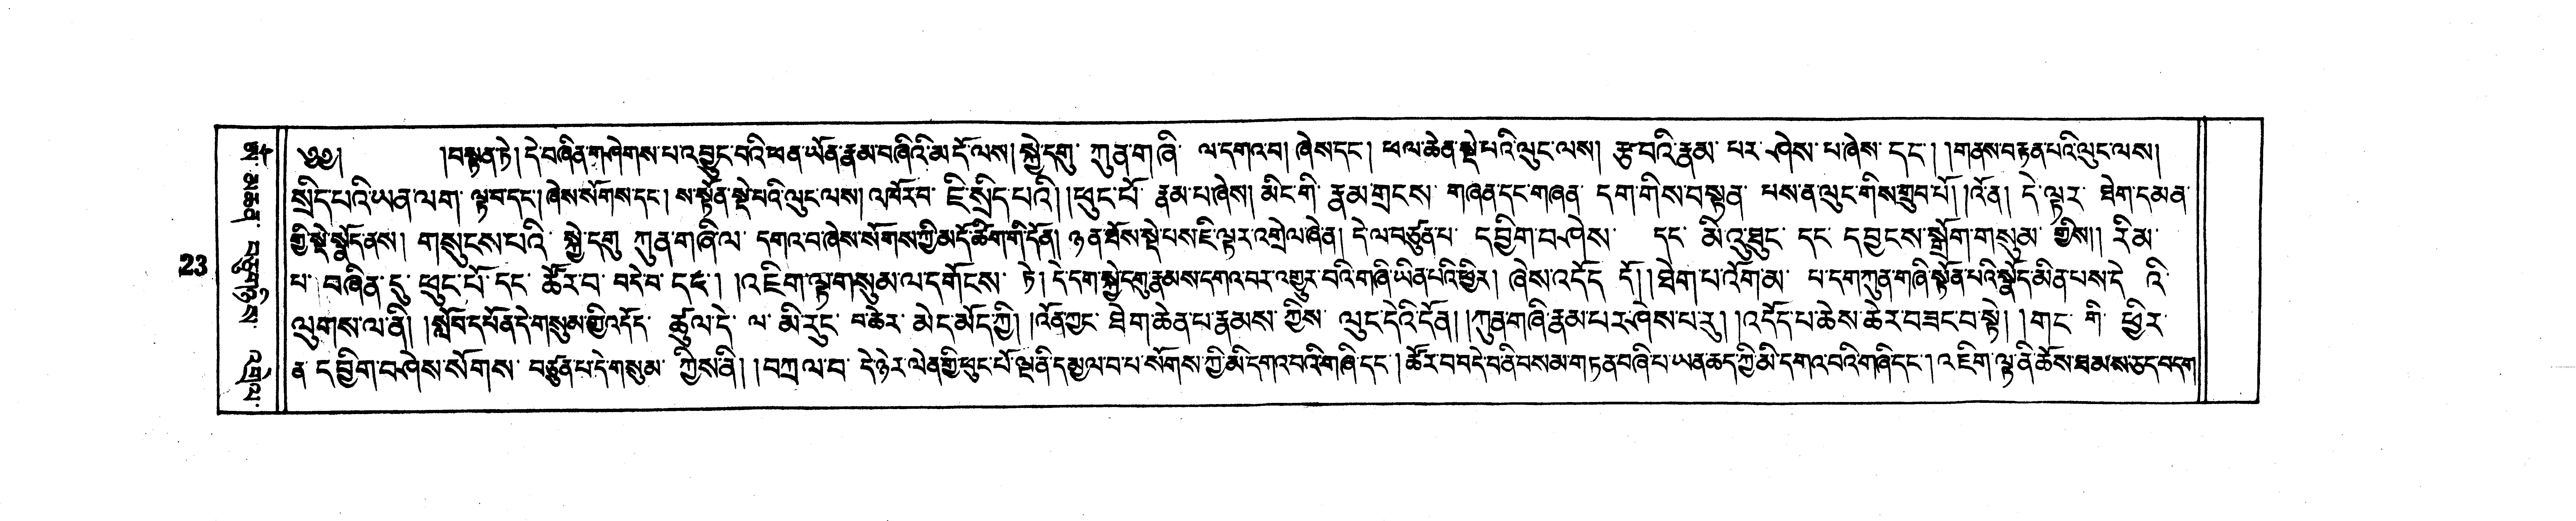༄༅། །བསྟན་ཏེ། དེ་བཞིན་གཤེགས་པ་འབྱུང་བའི་ཕན་ཡོན་རྣམ་བཞིའི་མདོ་ལས། སྐྱེ་དགུ་ཀུན་གཞི་ལ་དགའ་བ། ཞེས་དང་། ཕལ་ཆེན་སྡེ་པའི་ལུང་ལས། རྩ་བའི་རྣམ་པར་ཤེས་པ་ཞེས་དང་། །གནས་བརྟན་པའི་ལུང་ལས།
སྲིད་པའི་ཡན་ལག་ལྟ་བ་དང་། ཞེས་སོགས་དང་། ས་སྟོན་སྡེ་པའི་ལུང་ལས། འཁོར་བ་ཇི་སྲིད་པའི། །ཕུང་པོ་རྣམ་པ་ཞེས། མིང་གི་རྣམ་གྲངས་གཞན་དང་གཞན་དག་གིས་བསྟན་པས་ན་ལུང་གིས་གྲུབ་པོ། །འོ་ན། དེ་ལྟར་ཐེག་དམན་
གྱི་སྡེ་སྣོད་ནས། གསུངས་པའི་སྐྱེ་དགུ་ཀུན་གཞི་ལ་དགའ་བ་ཞེས་སོགས་ཀྱི་མདོ་ཚིག་གི་དོན། ཉན་ཐོས་སྡེ་པས་ཇི་ལྟར་འགྲེལ་ཞེ་ན། དེ་ལ་བཙུན་པ་དབྱིག་བཤེས་དང་མི་འུ་ཐུང་དང་དབྱངས་སྒྲོག་གསུམ་གྱིས། །རིམ་
པ་བཞིན་དུ་ཕུང་པོ་དང་ཚོར་བ་བདེ་བ་དང་། །འཇིག་ལྟ་གསུམ་ལ་དགོངས་ཏེ། དེ་དག་སྐྱེ་དགུ་རྣམས་དགའ་བར་འགྱུར་བའི་གཞི་ཡིན་པའི་ཕྱིར། ཞེས་འདོད་དོ། །ཐེག་པ་འོག་མ་པ་དག་ཀུན་གཞི་སྟོན་པའི་སྣོད་མིན་པས་དེའི་
ལུགས་ལ་ནི། སློབ་དཔོན་དེ་གསུམ་གྱི་འདོད་ཚུལ་དེ་ལ་མི་རུང་བ་ཆེར་མེད་མོད་ཀྱི། །འོན་ཀྱང་ཐེག་ཆེན་པ་རྣམས་ཀྱིས་ལུང་དེའི་དོན། །ཀུན་གཞི་རྣམ་པར་ཤེས་པ་རུ། །འདོད་པ་ཆེས་ཆེར་བཟང་བ་སྟེ། །གང་གི་ཕྱིར་
ན་དབྱིག་བཤེས་སོགས་བཙུན་པ་དེ་གསུམ་ཀྱིས་ནི། །བཀྲལ་བ་དེ་ཉེར་ལེན་གྱི་ཕུང་པོ་ལྔ་ནི་དམྱལ་བ་པ་སོགས་ཀྱི་མི་དགའ་བའི་གཞི་དང་། ཚོར་བ་བདེ་བ་ནི་བསམ་གཏན་བཞི་པ་ཡན་ཆད་ཀྱི་མི་དགའ་བའི་གཞི་དང་། འཇིག་ལྟ་ནི་ཆོས་ཐམས་ཅད་བདག་